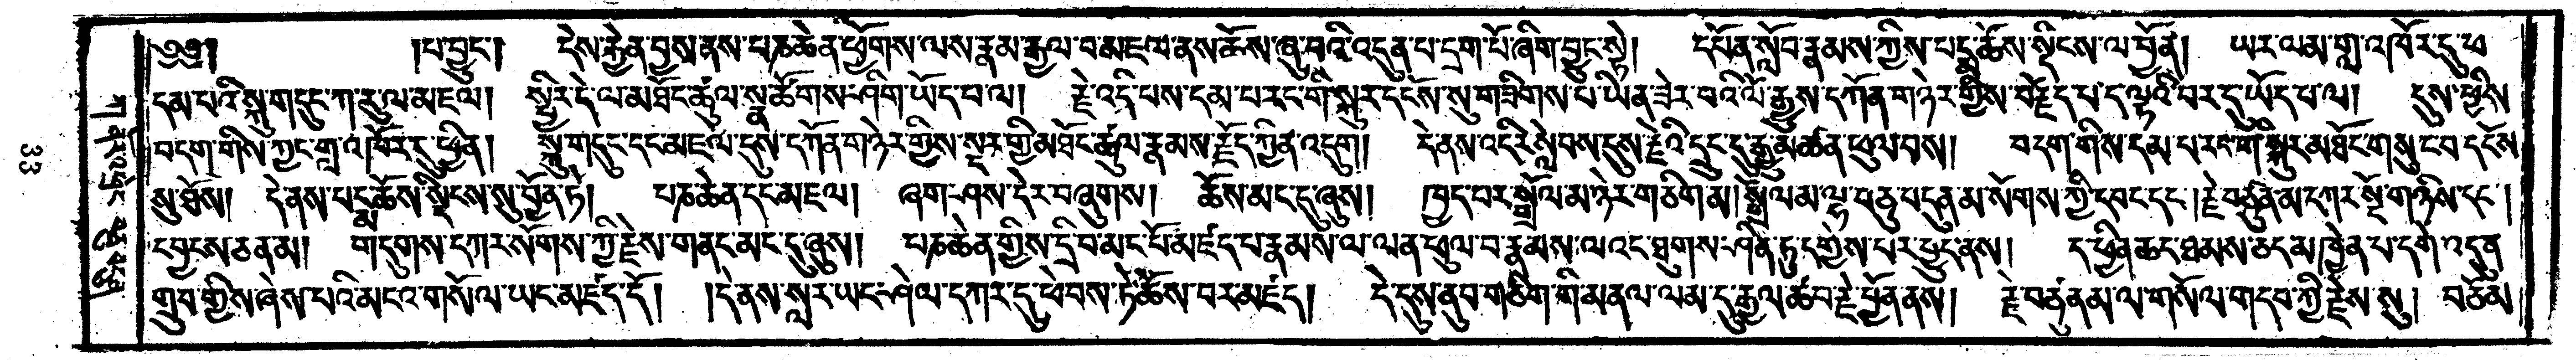༄༅། །པ་བྱུང་། དེས་རྐྱེན་བྱས་ནས་པཎ་ཆེན་ཕྱོགས་ལས་རྣམ་རྒྱལ་བ་མཇལ་ནས་ཆོས་ཞུ་བའི་འདུན་པ་དྲག་པོ་ཞིག་བྱུང་སྟེ། དཔོན་སློབ་རྣམས་ཀྱིས་པདམ་ཆོས་སྡིངས་ལ་བྱོན། ཡར་ལམ་གླ་འཁོར་དུ་ཕ་
དམ་པའི་སྐུ་གདུང་ཀ་རུ་ལ་མཇལ། སྤྱིར་དེ་ལ་མཐོང་ཚུལ་སྣ་ཚོགས་ཤིག་ཡོད་པ་ལ། རྗེ་འདི་པས་དམ་པ་རང་གི་སྐུར་དངོས་སུ་གཟིགས་པ་ཡིན་ཟེར་བའི་ལོ་རྒྱུས་དཀོན་གཉེར་གྱིས་བརྗོད་པ་ད་ལྟའི་བར་དུ་ཡོད་པ་ལ། དུས་ཕྱིས་
བདག་གིས་ཀྱང་གླ་འཁོར་དུ་ཕྱིན། སྐུ་གདུང་དང་མཇལ་དུས་དཀོན་གཉེར་གྱིས་སྔར་གྱི་མཐོང་ཚུལ་རྣམས་རྗོད་ཀྱིན་འདུག། དེ་ནས་འདིར་སླེབས་དུས་རྗེའི་དྲུང་དུ་རྒྱུ་མཚན་ཕུལ་བས། བདག་གིས་དམ་པ་རང་གི་སྐུར་མཐོང་གསུང་བ་དངོས་
སུ་ཐོས། དེ་ནས་པདམ་ཆོས་སྡིངས་སུ་བྱོན་ཏེ། པཎ་ཆེན་དང་མཇལ། ཞག་ཤས་དེར་བཞུགས། ཆོས་མང་དུ་ཞུས། ཁྱད་པར་སྒྲོལ་མ་ཉེར་གཅིག་མ། སྒྲོལ་མ་ལྷ་བཅུ་བདུན་མ་སོགས་ཀྱི་དབང་དང་། རྗེ་བཙུན་མ་དཀར་སྔོ་གཉིས་དང་།
དབྱངས་ཅན་མ། གདུགས་དཀར་སོགས་ཀྱི་རྗེས་གནང་མང་དུ་ཞུས། པཎ་ཆེན་གྱིས་དྲི་བ་མང་པོ་མཛད་པ་རྣམས་ལ་ལན་ཕུལ་བ་རྣམས་ལའང་ཐུགས་ཤིན་ཏུ་དགྱེས་པར་བྱུང་ནས། ད་ཕྱིན་ཆང་ཐམས་ཅད་མཁྱེན་པ་དགེ་འདུན་
གྲུབ་གྱིས་ཞེས་པའི་མངའ་གསོལ་ཡང་མཛད་དོ། །དེ་ནས་སླར་ཡང་ཤེལ་དཀར་དུ་ཕེབས་ཏེ་ཆོས་བར་མཛད། དེ་དུས་ནུབ་གཅིག་གི་མནལ་ལམ་དུ་རྒྱལ་ཚབ་རྗེ་བྱོན་ནས། རྗེ་བཙུན་མ་ལ་གསོལ་གདབ་ཀྱི་རྗེས་སུ། བཅོམ་